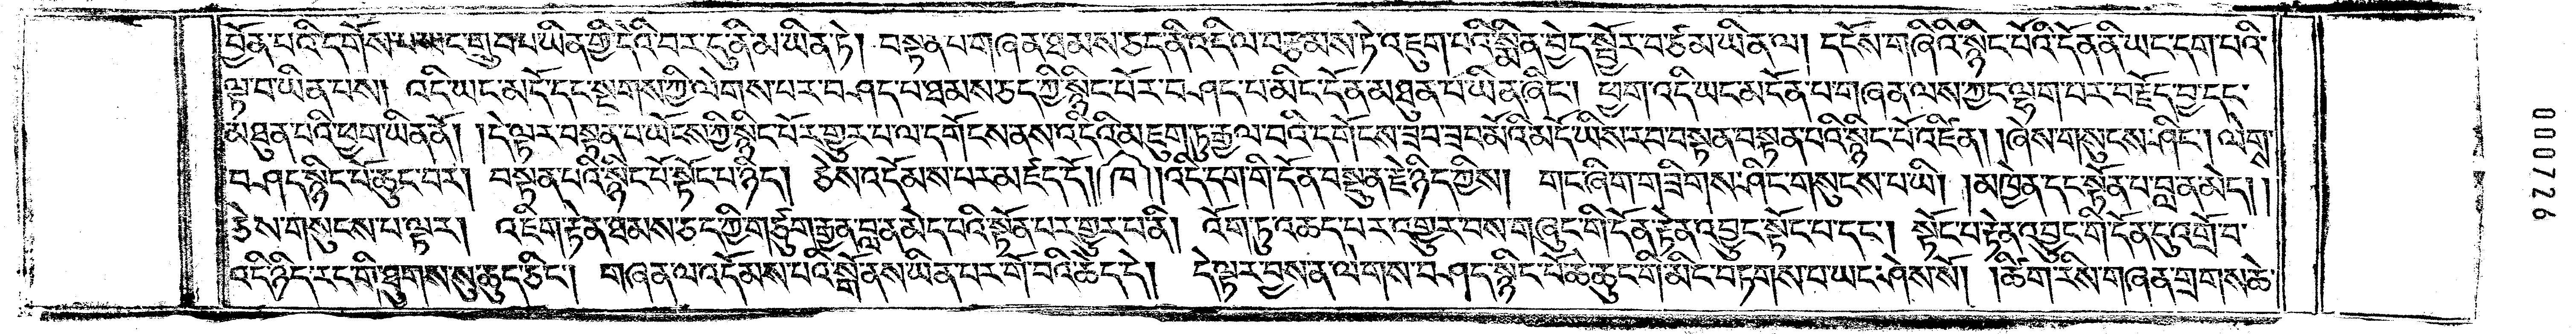བྱོན་པའི་དགོས་པ་ཡང་གྲུབ་པ་ཡིན་གྱི་དེའི་བར་དུ་ནི་མ་ཡིན་ཏེ། བསྟན་པ་གཞན་ཐམས་ཅད་ནི་འདི་ལ་བརྩམས་ཏེ་འཇུག་པའི་སྨིན་བྱེད་སྦྱོར་བ་ཙམ་ཡིན་ལ། དངོས་གཞིའི་སྙིང་པོའི་དོན་ནི་ཡང་དག་པའི་
ལྟ་བ་ཡིན་པས། འདི་ཡང་མདོ་དང་སྔགས་ཀྱི་ལེགས་པར་བཤད་པ་ཐམས་ཅད་ཀྱི་སྙིང་པོར་བཤད་པ་མིང་དོན་མཐུན་པ་ཡིན་ཞིང་། ཕྱག་འདི་ཡང་མངོན་པ་གཞན་ལས་ཀྱང་ལྷག་པར་བརྗོད་བྱ་དང་
མཐུན་པའི་ཕྱག་ཡིན་ནོ། །དེ་ལྟར་བསྟན་པ་ཡོངས་ཀྱི་སྙིང་པོར་གྱུར་པ་ལ་དགོངས་ནས་འདིའི་མཇུག་ཏུ་རྒྱལ་བའི་དགོངས་ཟབ་ཟབ་མོའི་མདོ་ཡིས་རབ་བསྟན་བསྟན་པའི་སྙིང་པོ་འཛིན། །ཞེས་གསུངས་ཤིང་། ལེགས་
བཤད་སྙིང་པོ་ཆུང་བར། བསྟན་པའི་སྙིང་པོ་སྟོང་པ་ཉིད། ཅེས་འདོམས་པར་མཛད་དོ། ༼ཁ༽ །འདི་དག་གི་དོན་བསྡུ་ན་རྗེ་ཉིད་ཀྱིས། གང་ཞིག་གཟིགས་ཤིང་གསུངས་པ་ཡི། །མཁྱེན་དང་སྟོན་པ་བླ་ན་མེད། །
ཅེས་གསུངས་པ་ལྟར། འཇིག་རྟེན་ཐམས་ཅད་ཀྱི་གཙུག་རྒྱན་བླ་ན་མེད་པའི་སྟོན་པར་གྱུར་པ་ནི། འོག་ཏུ་འཆད་པར་འགྱུར་བས་གཞུང་གི་དོན་རྟེན་འབྱུང་སྟོང་པ་དང་། སྟོང་པ་རྟེན་འབྱུང་གི་དོན་དུ་འགྲོ་བ་
འདི་ཉིད་རང་གི་ཐུགས་སུ་ཆུད་ཅིང་། གཞན་ལ་འདོམས་པའི་སྒོ་ནས་ཡིན་པར་གོ་བའི་ཆེད་དེ། དེ་ལྟར་བྱས་ན་ལེགས་བཤད་སྙིང་པོ་ཆེ་ཆུང་གི་མིང་བཏགས་པ་ཡང་ཤེས་སོ། །ཚིག་རིས་གཞན་གྲགས་ཆེ་